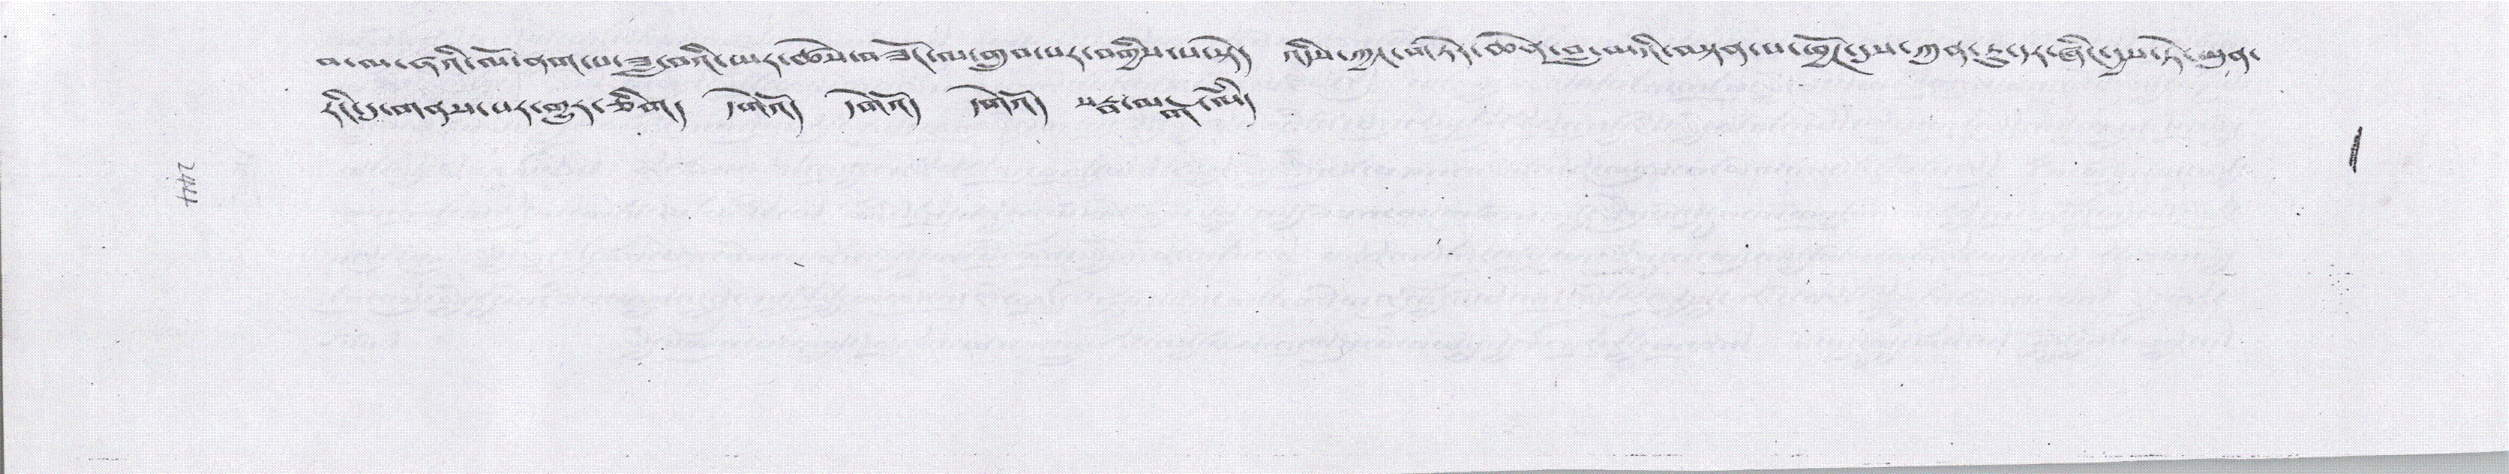བ་ལ་ཧའི་ལོ་ནག་པ་ཟླ་བའི་ཡར་ཚེས་བཟང་པོ་ལ་གྲུབ་པར་བགྱིས་པ་སྟེ། འདིས་ཀྱང་གཏེར་ཆེན་བླ་མའི་བསྟན་པ་ཕྱོགས་དུས་ཀུན་ཏུ་དར་ཞིང་རྒྱས་ཏེ་ཡུན་
རིང་དུ་གནས་པར་གྱུར་ཅིག དགེའོ། དགེའོ། དགེའོ། སརྦ་མངྒལཾ།